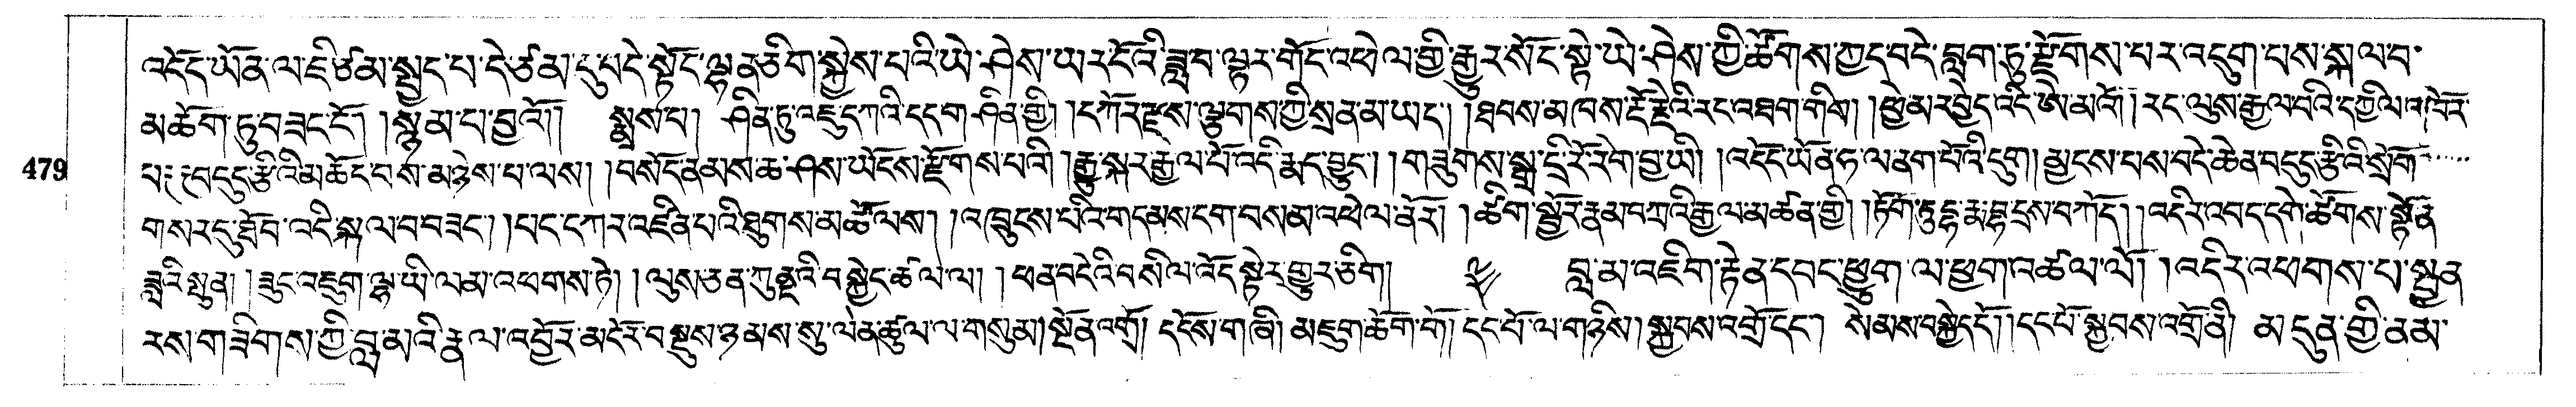འདོད་ཡོན་ལ་ཇི་ཙམ་སྤྱད་པ་དེ་ཙམ་དུ་བདེ་སྟོང་ལྷན་ཅིག་སྐྱེས་པའི་ཡེ་ཤེས་ཡར་ངོའི་ཟླ་བ་ལྟར་གོང་འཕེལ་གྱི་རྒྱུར་སོང་སྟེ་ཡེ་ཤེས་ཀྱི་ཚོགས་ཀྱང་བདེ་བླག་ཏུ་རྫོགས་པར་འདུག་པས་སྐལ་བ་
མཆོག་ཏུ་བཟང་ངོ། །སྙམ་པ་བྱའོ། །སྨྲས་པ། ཤིན་ཏུ་འཇུ་དཀའི་དད་གཤིན་གྱི། །དཀོར་རྫས་ལྕགས་ཀྱི་སྲན་མ་ཡང་། །ཐབས་མཁས་རྡོ་རྗེའི་རང་འཐག་གིས། །ཕྱེ་མར་བྱེད་འདི་ཨེ་མའོ། །རང་ལུས་རྒྱལ་བའི་དཀྱིལ་འཁོར་
པ༑ ༑བདུད་རྩིའི་མཆོད་པས་མཉེས་པ་ལས། །བསོད་ནམས་ཆ་ཤས་ཡོངས་རྫོགས་པའི། །རྒྱུ་སྐར་རྒྱལ་པོ་འདི་རྨད་བྱུང་། །གཟུགས་སྒྲ་དྲི་རོ་རེག་བྱ་ཡི། །འདོད་ཡོན་ཧ་ལ་ནག་པོའི་དུག །མྱངས་པས་བདེ་ཆེན་བདུད་རྩིའི་སྲོག་
གསར་དུ་ཐོབ་འདི་སྐལ་བ་བཟང་། །པད་དཀར་འཛིན་པའི་ཐུགས་མཚོ་ལས། །འཁྲུངས་པའི་གདམས་ངག་བསམ་འཕེལ་ནོར། །ཚིག་སྦྱོར་རྣམ་བཀྲའི་རྒྱལ་མཚན་གྱི། །ཏོག་ཏུ་དྷ་རྨ་བྷ་དྲས་བཀོད། །འདིར་འབད་དགེ་ཚོགས་སྟོན་
ཟླའི་སྤུན། །ཟུང་འཇུག་ལྷ་ཡི་ལམ་འཕགས་ཏེ། །ལུས་ཅན་ཀུནྡའི་བསྐྱེད་ཚལ་ལ། །ཕན་བདེའི་བསིལ་འོད་སྟེར་གྱུར་ཅིག། ༈ བླ་མ་འཇིག་རྟེན་དབང་ཕྱུག་ལ་ཕྱག་འཚལ་ལོ། །འདིར་འཕགས་པ་སྤྱན་
རས་གཟིགས་ཀྱི་བླ་མའི་རྣལ་འབྱོར་མདོར་བསྡུས་ཉམས་སུ་ལེན་ཚུལ་ལ་གསུམ། སྔོན་འགྲོ། དངོས་གཞི། མཇུག་ཆོག་གོ །དང་པོ་ལ་གཉིས། སྐྱབས་འགྲོ་དང་། སེམས་བསྐྱེད་དོ། །དང་པོ་སྐྱབས་འགྲོ་ནི། མདུན་གྱི་ནམ་